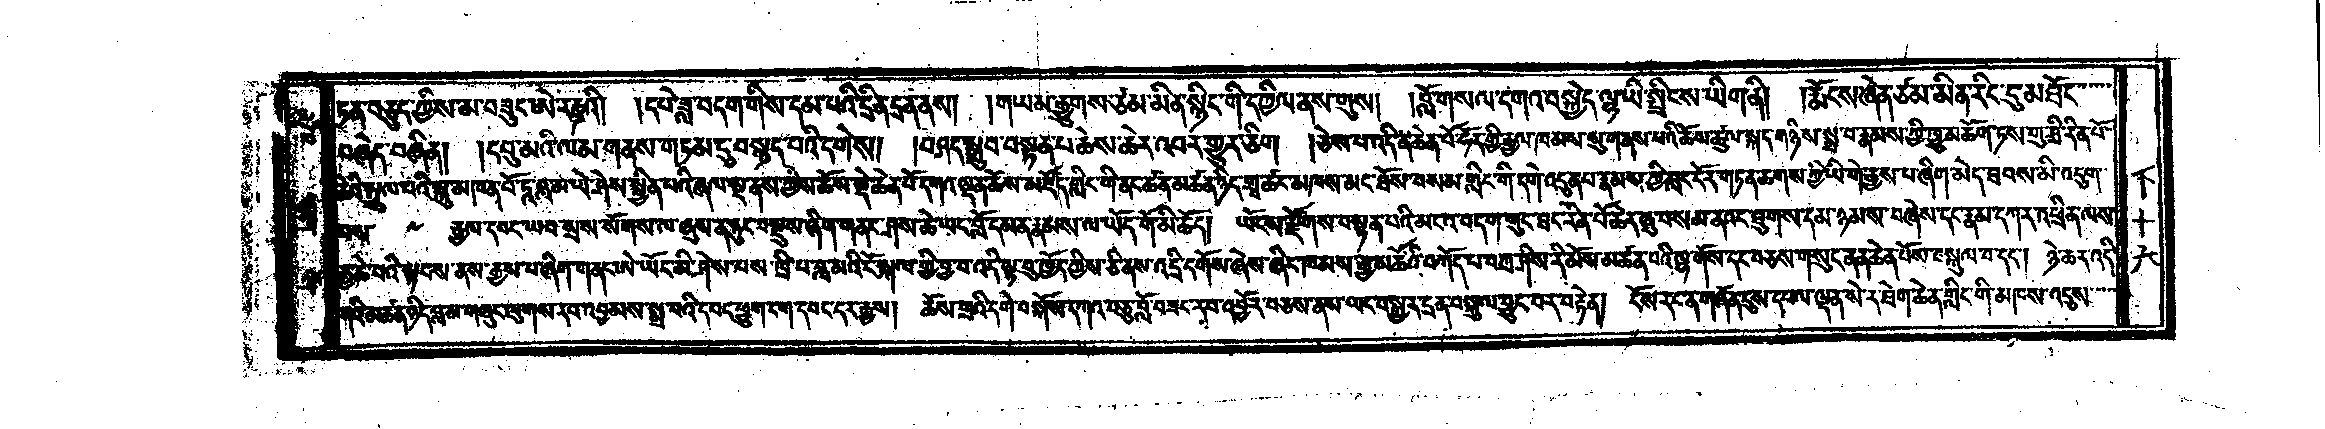ཏན་བཅུད་ཀྱིས་མ་བཟུང་ཨེ་རཎྜའི། །དཔེ་ཟླ་བདག་གིས་དམ་པའི་དྲིན་དྲན་ནས། །གཡམ་རྒྱུགས་ཙམ་མིན་སྙིང་གི་དཀྱིལ་ནས་གུས། །བློ་གསལ་དགའ་བསྐྱེད་ལྷ་ཡི་སྤྲིངས་ཡིག་ནི། །རྨོངས་ཞེན་ཙམ་མིན་རིང་དུ་མཐོང་
བཞེད་བཞིན། །དབུ་མའི་ལམ་གནས་གཏམ་དུ་བསྙད་པའི་དགེས། །བཤད་སྒྲུབ་བསྟན་པ་ཆེས་ཆེར་འབར་གྱུར་ཅིག །ཅེས་པ་འདི་ན་ཆེན་པོ་ཧོར་གྱི་རྒྱལ་ཁམས་སུ་གནས་པའི་ཆོས་ཚུལ་སྐད་གཉིས་སྨྲ་བ་རྣམས་ཀྱི་ཁྱུ་མཆོག་ཏས་གུ་ཤྲི་རིན་པོ་
ཆེའི་སྤྲུལ་པའི་སྐུ་མཁན་པོ་ཏཱ་བླ་མ་ཡེ་ཤེས་སྦྱིན་པའི་ཞལ་སྔ་ནས་ཀྱིས་ཆོས་སྡེ་ཆེན་པོ་དགའ་ལྡན་ཆོས་མཛོད་གླིང་གི་ནང་ཚན་མཚན་ཉིད་གྲྭ་ཚང་མཁས་མང་ཐོས་བསམ་གླིང་གི་དགེ་འདུན་པ་རྣམས་ཀྱི་བླང་དོར་གཏན་ཆགས་ཀྱི་ཡི་གེ་རྒྱས་པ་ཞིག་མེད་ཐབས་མི་འདུག་
པས ༧་རྒྱལ་དབང་ཡབ་སྲས་སོགས་ལ་ཞུ་ན་ཉུང་བསྡུས་ཞིག་གནང་ཤས་ཆེ་ཡང་བློ་དམན་རྣམས་ལ་ཡོད་གོ་མི་ཆོད། ཡོངས་རྫོགས་བསྟན་པའི་མངའ་བདག་གུང་ཐང་རིན་པོ་ཆེར་ཞུ་བསམ་ནའང་ཐུགས་དམ་ཉམས་བཞེས་དང་རྣམ་དཀར་འཕྲིན་ལས་
རྒྱ་ཆེ་བའི་སྟབས་ནས་རྒྱས་པ་ཞིག་གནང་ཨེ་ཡོང་མི་ཤེས་པས་ཁྲི་པ་བླ་མའི་ངོ་སྐལ་གྱི་བྱ་བ་འདི་ལྟ་བུ་ཁྱོད་ཀྱིས་ཅི་ནས་འདྲི་དགོས་ཞེས་ཞིང་ཁམས་རྒྱ་མཚོའི་བཀོད་པ་བཀྲ་ཤིས་རི་མོས་མཚན་པའི་ལྷ་གོས་དང་བཅས་གསུང་ནན་ཆེན་པོས་བསྐུལ་བ་དང་། ཉེ་ཆར་འདི་
གའི་མཚན་ཉིད་བླ་མ་གཞུང་ལུགས་རབ་འབྱམས་སྨྲ་བའི་དབང་ཕྱུག་ངག་དབང་དར་རྒྱས། ཆོས་གྲའི་དགེ་བསྐོས་དཀའ་བཅུ་བློ་བཟང་རབ་འབྱོར་བཅས་ནས་ཡང་བསྐྱར་དྲན་བསྐུལ་བྱུང་བར་བརྟེན། ངོས་རང་ན་གཞོན་དུས་དཔལ་ལྡན་སེ་ར་ཐེག་ཆེན་གླིང་གི་མཁས་འདུ་